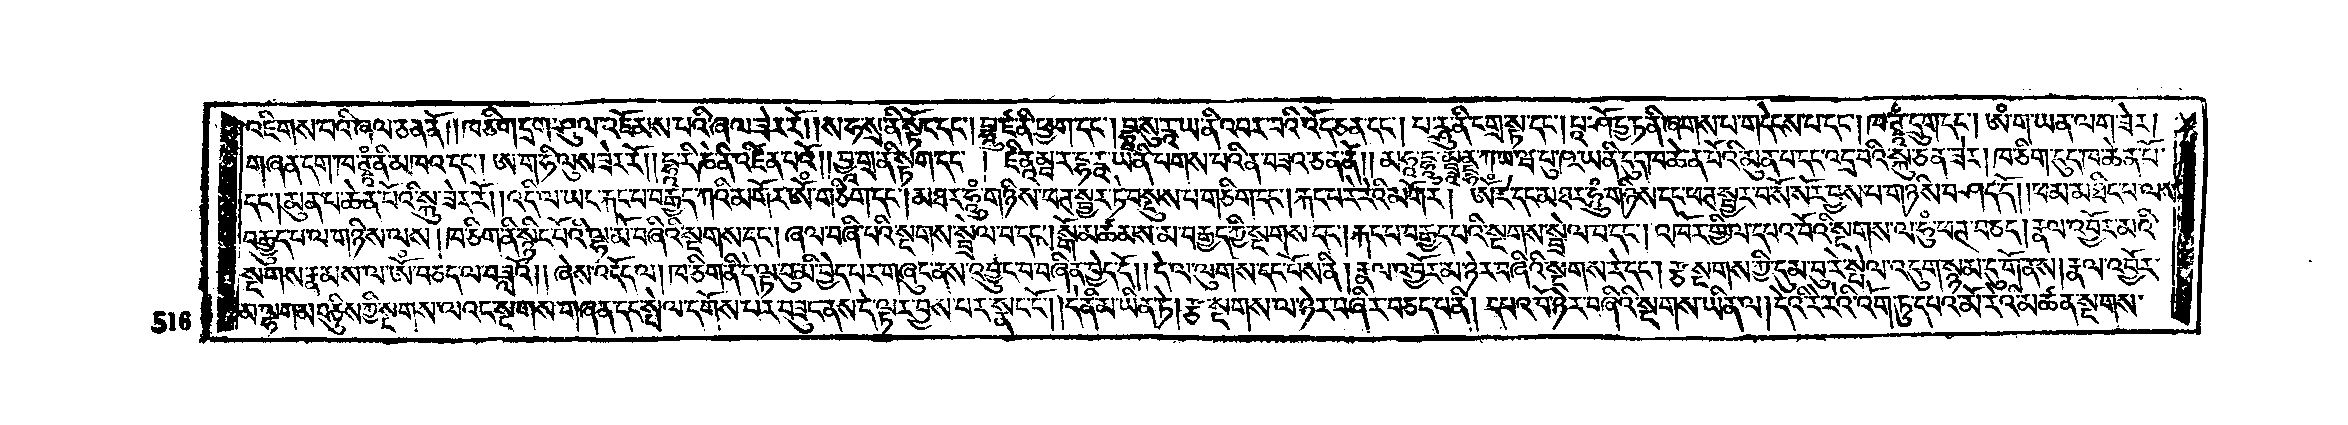འཇིགས་པའི་ཞལ་ཅན་ནོ། །ཁ་ཅིག་དྲག་ཤུལ་འཇོམས་པའི་ཞལ་ཟེར་རོ། །ས་ཧ་སྲ་ནི་སྟོང་དང་། བྷཱུ་ཛ་ནི་ཕྱག་དང་། བྷཱ་སུ་རཱ་ཡ་ནི་འབར་བའི་འོད་ཅན་དང་། པ་རྴུ་ནི་དགྲ་སྟ་དང་། པཱ་ཤོ་དྱ་ཏ་ནི་ཞགས་པ་གདེངས་པ་དང་། ཁ་ཊྭཱཾ་དྲུག་དང་། ཨཾ་ག་ཡན་ལག་ཟེར།
གཞན་དག་ཁ་ཊྭཱཾ་ནི་མཁའ་དང་། ཨ་ག་ཧི་ལུས་ཟེར་རོ། །དྷཱ་རི་ཎེ་ནི་འཛིན་པའོ། །བྱཱ་གྲ་ནི་སྟག་དང་། ཛི་ནཱ་མྦ་ར་དྷ་རཱ་ཡ་ནི་པགས་པའི་ན་བཟའ་ཅན་ནོ། །མཧཱ་དྷཱུ་མྦྲཱནྡྷ་ཀ་ཡ་ཝ་པུ་ཥ་ཡ་ནི་དུད་ཁ་ཆེན་པོའི་མུན་པ་དང་འདྲ་བའི་སྐུ་ཅན་ཟེར། ཁ་ཅིག་དུད་ཁ་ཆེན་པོ་
དང་། མུན་པ་ཆེན་པོའི་སྐུ་ཟེར་རོ། །འདི་ལ་ཡང་རྐང་པ་བརྒྱད་ཀའི་མགོར་ཨོཾ་གཅིག་དང་། མཐར་ཧཱུཾ་གཉིས་ཕཊ་སྦྱར་ཏེ་བསྡུས་པ་གཅིག་དང་། རྐང་པ་རེ་རེའི་མགོར། ཨོཾ་རེ་དང་མཐར་ཧཱུཾ་གཉིས་དང་ཕཊ་སྦྱར་བ་སོ་སོར་བྱས་པ་གཉིས་བཤད་དོ། །ཕམ་མཐིང་པ་ལས་
བརྒྱུད་པ་ལ་གཉིས་ལས། ཁ་ཅིག་ནི་སྙིང་པོའི་ལྷ་མོ་བཞིའི་སྔགས་དང་། ཞལ་བཞི་པའི་སྔགས་སྦྲེལ་བ་དང་། སྒོ་མཚམས་མ་བརྒྱད་ཀྱི་སྔགས་དང་། རྐང་པ་བརྒྱད་པའི་སྔགས་སྦྲེལ་བ་དང་། འཁོར་གྱི་ལ་དཔའ་བོའི་སྔགས་ལ་ཧུཾ་ཕཊ་བཅད། རྣལ་འབྱོར་མའི་
སྔགས་རྣམས་ལ་ཨོཾ་བཅད་ལ་བཟླའོ། །ཞེས་འདོད་ལ། ཁ་ཅིག་ནི་དེ་ལྟ་བུ་མི་བྱེད་པར་གཞུང་ནས་འབྱུང་བ་བཞིན་བྱེད་དོ། །དེ་ལ་ལུགས་དང་པོས་ནི། རྣལ་འབྱོར་མ་ཉེར་བཞིའི་སྔགས་རེ་དང་། རྩ་སྔགས་ཀྱི་དུམ་བུ་རེ་སྤེལ་འདུག་སྙམ་དུ་གོ་ནས། རྣལ་འབྱོར་
མ་ལྷག་མ་བཅུ་གཉིས་ཀྱི་སྔགས་ལའང་སྔགས་གཞན་དང་སྤེལ་དགོས་པར་བཟུང་ནས་དེ་ལྟར་བྱས་པར་སྣང་ངོ། །དེ་ནི་མ་ཡིན་ཏེ། རྩ་སྔགས་ལ་ཉེར་བཞིར་བཅད་པ་ནི། དཔའ་བོ་ཉེར་བཞིའི་སྔགས་ཡིན་ལ། དེའི་རེ་རེའི་འོག་ཏུ་དཔའ་མོ་རེའི་མཚན་སྔགས་